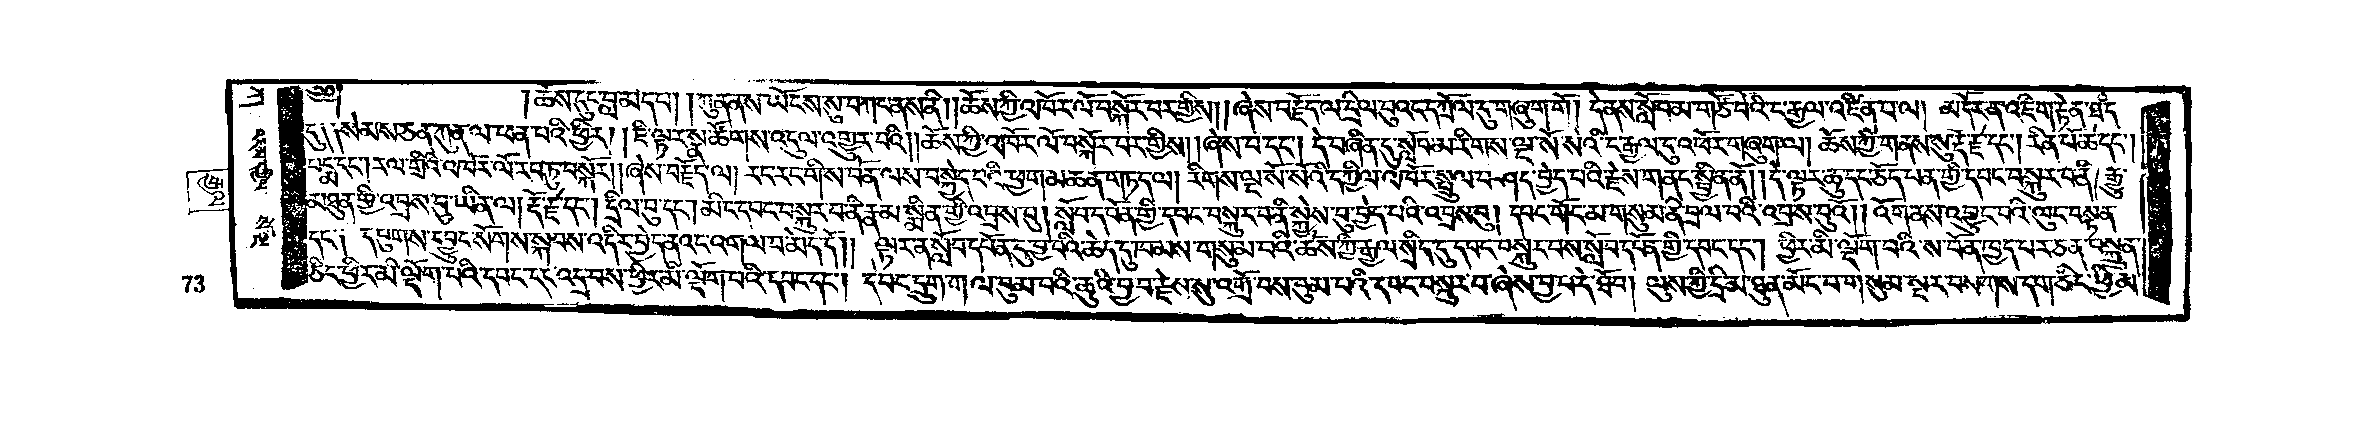༄༅། །ཆོས་དུང་བླ་མེད་པ། །ཀུན་ནས་ཡོངས་སུ་བཀང་ནས་ནི། །ཆོས་ཀྱི་འཁོར་ལོ་བསྐོར་བར་གྱིས་།ཞེས་བརྗོད་ལ་དྲིལ་བུའང་དཀྲོལ་དུ་གཞུག་གོ །དེ་ནས་སློབ་མ་གཙོ་བོའི་ང་རྒྱལ་འཛིན་པ་ལ། མདོར་ན་འཇིག་རྟེན་ཐམད?
དུ། ༑སེམས་ཅན་ཀུན་ལ་ཕན་པའི་ཕྱིར། །ཇི་ལྟར་སྣ་ཚོགས་འདུ་ལ་འགྱུར་བའི། །ཆོས་ཀྱི་འཁོར་ལོ་བསྐོར་བར་གྱིས། །ཞེས་པ་དང་། དེ་བཞིན་དུ་སློབ་མ་རིགས་ལྔ་སོ་སོའི་ང་རྒྱལ་དུ་འཕོར་གཞུག་ལ། ཆོས་ཀྱི་གནས་སུ་རྡོ་རྗེ་དང་། རིན་པོ་ཆེ་དང་།
པདམ་དང་། རལ་གྲིའི་འཁོར་ལོ་རབ་ཏུ་བསྐོར། །ཞེས་བརྗོད་ལ། རང་རང་གི་ས་བོན་ལས་བསྐྱེད་པའི་ཕྱག་མཚན་གཏད་ལ། རིགས་ལྔ་སོ་སོའི་དཀྱིལ་འཁོར་སྤྲུལ་བཤད་བྱེད་པའི་རྗེས་གནང་སྦྱིན་ནོ། །དེ་ལྟར་ཆུ་དང་ཅོད་པན་གྱི་དབང་བསྐུར་བ་ནི། རྒྱུ་
མཐུན་གྱི་འབྲས་བུ་ཡིན་ལ། རྡོ་རྗེ་དང་། དྲིལ་བུ་དང་། མིང་དབང་བསྐུར་བ་ནི་རྣམ་སྨིན་གྱི་འབྲས་བུ། སློབ་དཔོན་གྱི་དབང་བསྐུར་བ་ནི་སྐྱེས་བུ་བྱེད་པའི་འབྲས་བུ། དབང་གོང་མ་གསུམ་ནི་བྲལ་བའི་འབྲས་བུའོ། །འོག་ནས་འབྱུང་བའི་ལུང་བསྟན་
དང༑ དབུགས་དབྱུང་སོགས་སྐབས་འདིར་བྱེད་ནའང་འགལ་བ་མེད་དོ། །ལྟར་ན་སློབ་དཔོན་དུ་བྱ་བའི་ཆེད་དུ་ཁམས་གསུམ་པའི་ཆོས་ཀྱི་རྒྱལ་སྲིད་དུ་དབང་བསྐུར་བས་སློབ་དཔོན་གྱི་དབང་དང་། ཕྱིར་མི་ལྡོག་པའི་ས་བོན་ཁྱད་པར་ཅན་བསྐྲུན་
ཅིང་ཕྱིར་མི་ལྡོག་པའི་དབང་དང་འདྲ་བས་ཕྱིར་མི་ལྡོག་པའི་དབང་དང་། དབང་དྲུག་ག་ལ་བུམ་པའི་ཆུའི་བྱ་བ་རྗེས་སུ་འགྲོ་བས་བུམ་པའི་དབང་བསྐུར་བ་ཞེས་བྱ་བ་དེ་ཐོབ། ལུས་ཀྱི་དྲི་མ་ཐུན་མོང་བ་གསུམ་སྔར་བསགས་དག་ཅིང་ཕྱི་མ་